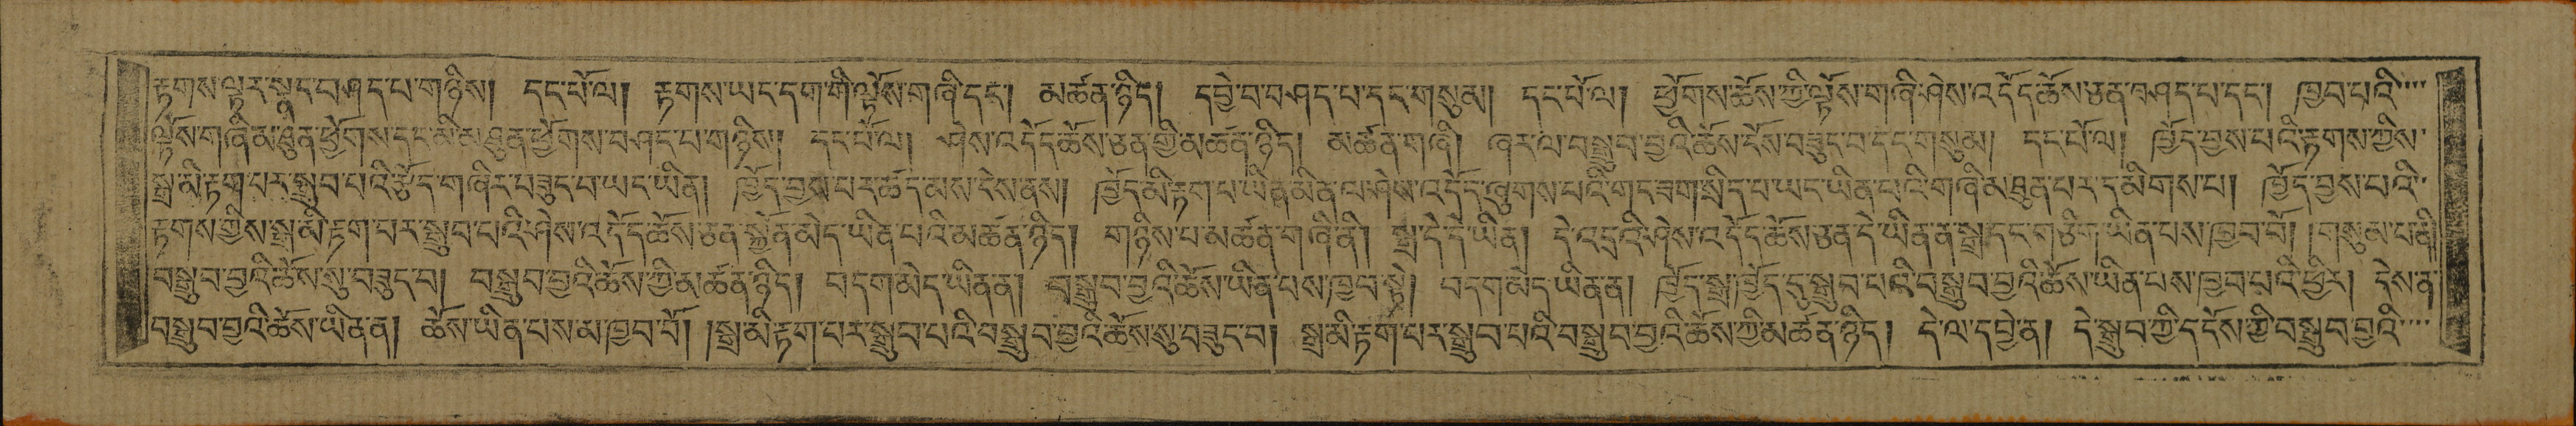རྟགས་ལྟར་སྣང་བཤད་པ་གཉིས། དང་པོ་ལ། རྟགས་ཡང་དག་གི་ལྟོས་གཞི་དང་། མཚན་ཉིད། དབྱེ་བ་བཤད་པ་དང་གསུམ། དང་པོ་ལ། ཕྱོགས་ཆོས་ཀྱི་ལྟོས་གཞི་ཤེས་འདོད་ཆོས་ཅན་བཤད་པ་དང་། ཁྱབ་པའི་
ལྟོས་གཞི་མཐུན་ཕྱོགས་དང་མི་མཐུན་ཕྱོགས་བཤད་པ་གཉིས། དང་པོ་ལ། ཤེས་འདོད་ཆོས་ཅན་གྱི་མཚན་ཉིད། མཚན་གཞི། ཞར་ལ་བསྒྲུབ་བྱའི་ཆོས་ངོས་བཟུང་བ་དང་གསུམ། དང་པོ་ལ། ཁྱོད་བྱས་པའི་རྟགས་ཀྱིས་
སྒྲ་མི་རྟག་པར་སྒྲུབ་པའི་རྩོད་གཞིར་བཟུང་བ་ཡང་ཡིན། ཁྱོད་བྱས་པར་ཚད་མས་ངེས་ནས། ཁྱོད་མི་རྟག་པ་ཡིན་མིན་ལ་ཤེས་འདོད་ཞུགས་པའི་གང་ཟག་སྲིད་པ་ཡང་ཡིན་པའི་གཞི་མཐུན་པར་དམིགས་པ། ཁྱོད་བྱས་པའི་
རྟགས་ཀྱིས་སྒྲ་མི་རྟག་པར་སྒྲུབ་པའི་ཤེས་འདོད་ཆོས་ཅན་སྐྱོན་མེད་ཡིན་པའི་མཚན་ཉིད། གཉིས་པ་མཚན་གཞི་ནི། སྒྲ་དེ་དེ་ཡིན། དེ་འདྲའི་ཤེས་འདོད་ཆོས་ཅན་དེ་ཡིན་ན་སྒྲ་དང་གཅིག་ཡིན་པས་ཁྱབ་བོ། །གསུམ་པ་ནི།
བསྒྲུབ་བྱའི་ཆོས་སུ་བཟུང་བ། བསྒྲུབ་བྱའི་ཆོས་ཀྱི་མཚན་ཉིད། བདག་མེད་ཡིན་ན། བསྒྲུབ་བྱའི་ཆོས་ཡིན་པས་ཁྱབ་སྟེ། བདག་མེད་ཡིན་ན། ཁྱོད་སྒྲ་ཁྱོད་དུ་སྒྲུབ་པའི་བསྒྲུབ་བྱའི་ཆོས་ཡིན་པས་ཁྱབ་པའི་ཕྱིར། དེས་ན་
བསྒྲུབ་བྱའི་ཆོས་ཡིན་ན། ཆོས་ཡིན་པས་མ་ཁྱབ་བོ། །སྒྲ་མི་རྟག་པར་བསྒྲུབ་པའི་བསྒྲུབ་བྱའི་ཆོས་སུ་བཟུང་བ། སྒྲ་མི་རྟག་པར་སྒྲུབ་པའི་བསྒྲུབ་བྱའི་ཆོས་ཀྱི་མཚན་ཉིད། དེ་ལ་དབྱེ་ན། དེ་སྒྲུབ་ཀྱི་དངོས་ཀྱི་བསྒྲུབ་བྱའི་